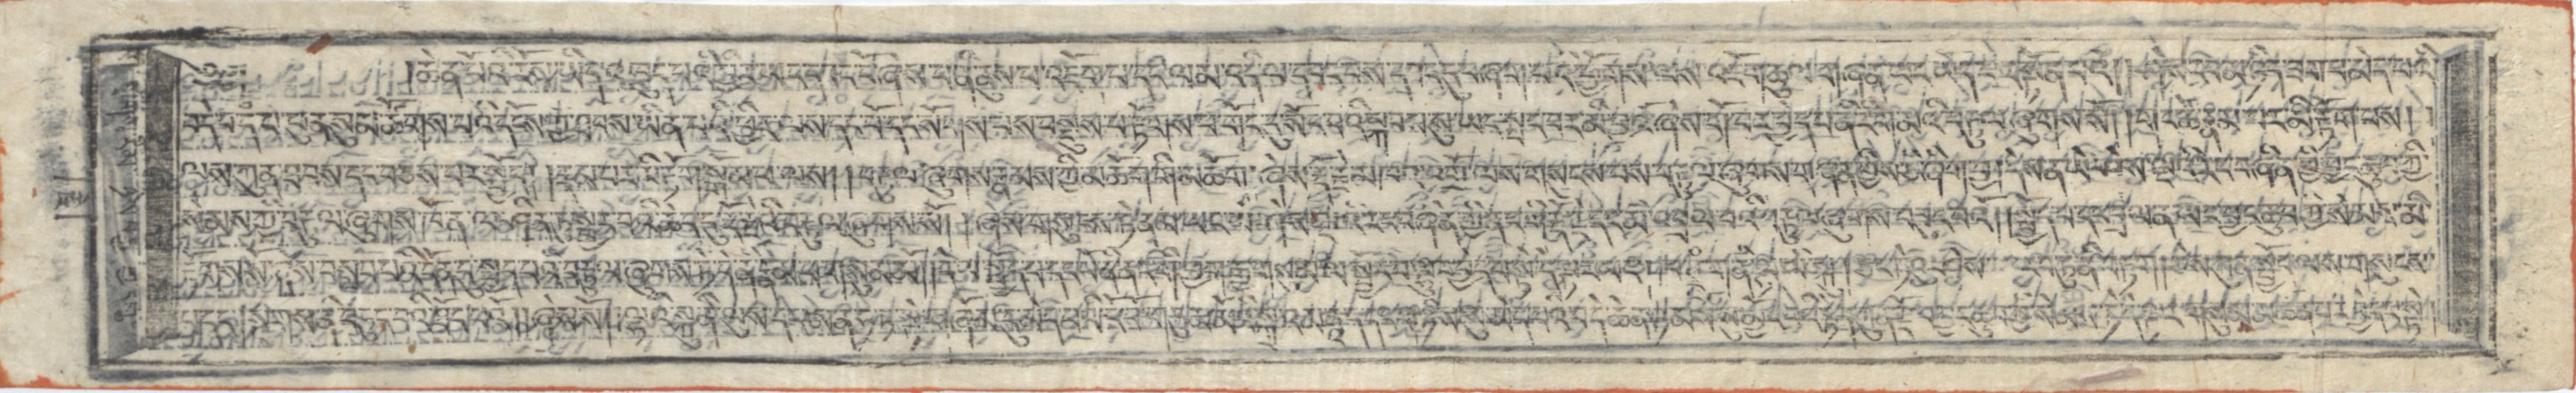༄༅། །ཆེན་པོའི་རོས་ཡིད་འཁྲུད་པའི་ཕྱིར་ཡང་དབང་ངོ་ཞེས་པ་ནི་ནུས་པ་འཇོག་པ་དང་ལམ་འདི་ལ་དབང་བས་དབང་དུ་བཞག་པའི་ཕྱོགས་ལས་འཇོག་ཚུལ་གཞན་ཡང་ཡོད་པར་སྟོན་པའོ། །ཤེས་རབ་མ་ཉིད་ཟག་པ་མེད་པའི་
བདེ་བ་དམ་པ་ཕུན་སུམ་ཚོགས་པའི་དངོས་ཀྱི་ཐབས་ཡིན་པའི་ཕྱིར་ལས་དང་པོ་དང་སོགས་པས་བསྡུས་པ་རྟོགས་པ་གོང་དུ་སོང་བའི་སྐབས་སུ་ཡང་སྤང་བར་མི་བྱའོ་ཞེས་གོ་བར་བྱེད་པ་ནི་རིག་མའི་བརྟུལ་ཞུགས་སོ། །གང་ཚེ་རྣམ་པར་མི་རྟོག་པས། །
ལས་ཀུན་ཐབས་དང་བཅས་པར་སྤྱོད། །རྣམ་པར་མི་རྟོག་སྒོམ་པ་ལས། །བརྟུལ་ཞུགས་རྣམས་ཀྱི་མཆོག་གི་མཆོག །ཞེས་རྡོ་རྗེ་མཁའ་འགྲོ་ལས་གསུངས་པས་བརྟུལ་ཞུགས་གཞན་གྱིས་ཅི་ཞིག་བྱ། དེས་ན་ཡེ་ཤེས་ལྔའི་རང་བཞིན་གྱི་བྱང་ཆུབ་ཀྱི་
སེམས་ཀྱི་བརྟུལ་ཞུགས་ཁོ་ན་ལ་ཤིན་ཏུ་སྦྱར་བའི་ཆེད་དུ་རྡོ་རྗེའི་བརྟུལ་ཞུགས་སོ། །ཞེས་གསུངས་ཏེ་ནམ་ཡང་ཡེ་ཤེས་ལྔའི་རང་བཞིན་གྱི་ནང་གི་རྡོ་རྗེ་དང་མི་འབྲལ་བའི་བརྟུལ་ཞུགས་བཟུང་བའོ། །སྤྱོད་པ་དང་བྲལ་ན་ཡང་བྱང་ཆུབ་ཀྱི་སེམས་མི་
རྟོགས་སོ་ཞེས་བསླབ་པའི་དོན་དུ་སྤྱོད་པའི་བརྟུལ་ཞུགས་ཏེ་དེ་ནི་རྣམ་པ་གསུམ་མོ། །དེ་ལ་སྤྱོད་པ་དང་པོ་ནི་ནང་གི་ཕྱག་རྒྱ་གསུམ་ལ་སྦྱོར་བ་ལྷུར་བྱེད་པ་སྟེ་དེ་ལྟར་ཡང་། ཁ་ཊཝའཾ་ག་ནི་ལྷ་ཡི་སྐུ། ཅང་ཏེའུ་ཤེས་རབ་ཏུ་ནི་བརྟག །ཅེས་ཀུན་སྤྱོད་ལས་གསུངས་
པ་དང་། སྔགས་ནི་བཏུང་བའི་ཐོང་པའོ། །ཞེས་སོ། །ལྷའི་སྐུ་ནི་ལུས་དང་ཨ་ན་ཧ་ཏ་སྟེ་གཞོམ་དུ་མེད་པའི་ངོ་བོ་གཏུམ་མོའི་སྒྲ་འམ་ནཱ་ད་དང་གཉིས་སུ་མེད་པའི་བདེ་ཆེན་ཉམས་སུ་མྱོང་བའི་རྟེན་ཀུན་རྫོབ་བྱང་ཆུབ་ཀྱི་སེམས་ཏེ་དེ་ལྟར་གསུམ་མཚོན་པར་བྱེད་པ་སྟེ།